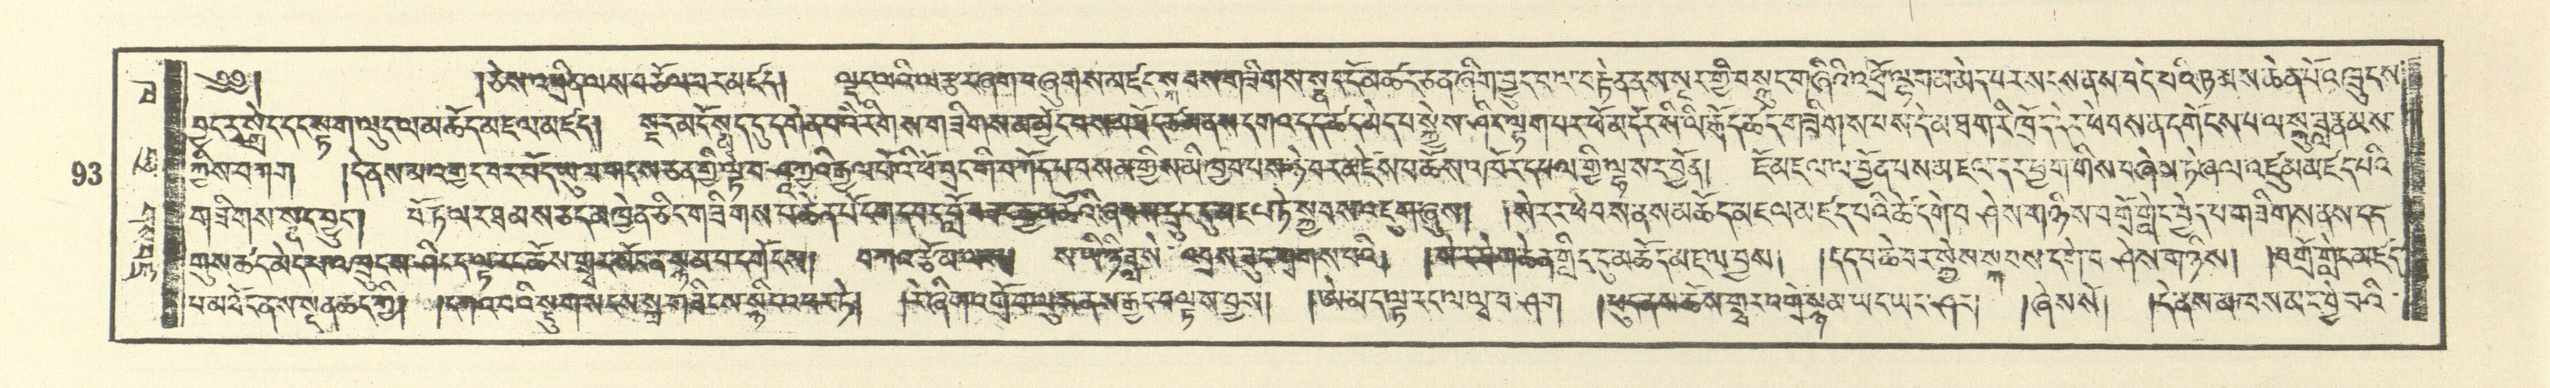༄༅། །ཅེས་འཕྲིན་ལས་བཅོལ་བར་མཛད། ལྡང་ལའི་ལ་རྩར་ཞག་བཞུགས་མཛད་སྐབས་གཟིགས་སྣང་ངོ་མཚར་ཅན་ཞིག་བྱུང་བ་ལ་བརྟེན་ནས་སྔར་གྱི་བསྙུང་གཞིའི་འཕྲོ་ལྷག་མ་མེད་པར་སངས་ནས་བདེ་བའི་ཉམས་ཆེན་པོ་འཁྲུངས་
བྱང་རྭ་སྒྲེང་དང་སྟག་ལུང་ལ་མཆོད་མཇལ་མཛད། སྔར་མདོ་སྨད་དུ་དགོན་པའི་རིགས་གཟིགས་མ་མྱོང་བས་མཐོད་ཙམ་ནས་དགའ་དད་ཚད་མེད་པ་སྐྱེས་ཤིང་ལྷག་པར་ཕོ་མདོར་སི་ལི་རྒོད་ཚད་གཟིགས་པས་དེ་མ་ཐག་རི་ཁྲོད་དེར་ཕེབས་ན་དགོངས་པ་ལ་སྐུ་ཟླ་རྣམས་
ཀྱིས་བཀག །དེ་ནས་མ་འགྱང་བར་བོད་ཡུལ་གངས་ཅན་གྱི་ལྟེ་བ་ཤཱཀྱའི་རྒྱལ་པོའི་ཕོ་བྲང་གི་བཀོད་པ་བསམ་གྱིས་མི་ཁྱབ་པས་ཉེ་བར་མཛེས་པ་ཆོས་འཁོར་དཔལ་གྱི་ལྷ་སར་བྱོན། ཇོ་མཇལ་ལ་བྱོན་པས་མཇལ་དར་ཕྱག་གིས་བཞེས་ཏེ་ཞལ་འཛུམ་མཛད་པའི་
གཟིགས་སྣང་བྱུང་། པོ་ཏ་ལར་ཐམས་ཅད་མཁྱེན་ཅིང་གཟིགས་པ་ཆེན་པོ་ངག་དབང་བློ་བཟང་རྒྱ་མཚོའི་ཞབས་དྲུང་དུ་མཇལ་ཏེ་སྐྱབས་འཇུག་ཞུས། །སེ་རར་ཕེབས་ནས་མཆོད་མཇལ་མཛད་པའི་ཚེ་དགེ་བཤེས་གཉིས་བགྲོ་གླེང་བྱེད་པ་གཟིགས་ནས་དད་
གུས་ཚད་མེད་པ་འཁྲུངས་ཤིང་ད་ལྟ་རང་ཆོས་གྲྭར་སོང་ན་སྙམ་པ་དགོངས། བཀའ་རྩོམ་ལས། ས་ཡི་ཉི་ཟླ་སེར?་འབྲས་ཟུང་གྲགས་པའི། །སེ་ར་ཐེག་ཆེན་གླིང་དུ་མཆོད་མཇལ་བྱས། །དད་པ་ཆེ་བར་སྐྱེས་སྐབས་དགེ་བཤེས་གཉིས། །བགྲོ་གླེང་མཛད་
པ་མཐོང་ནས་སྔན་ཆང་ཀྱི། །དཀའ་བའི་སྡུག་སངས་སྐྲ་གཟིངས་སྙིང་འཕར་ཏེ། །རེ་ཞིག་འགྲོ་བ་ལུས་ནས་རྒྱང་བལྟས་བྱས། །ཨེ་མ་ད་ལྟ་རང་ལ་ལྭ་བ་ཤག །ཕུད་ནས་ཆོས་གྲྭར་འགྲོ་སྙམ་ཡང་ཡང་ཤར། །ཞེས་སོ། །དེ་ནས་མཁས་མང་བྱེ་བའི་